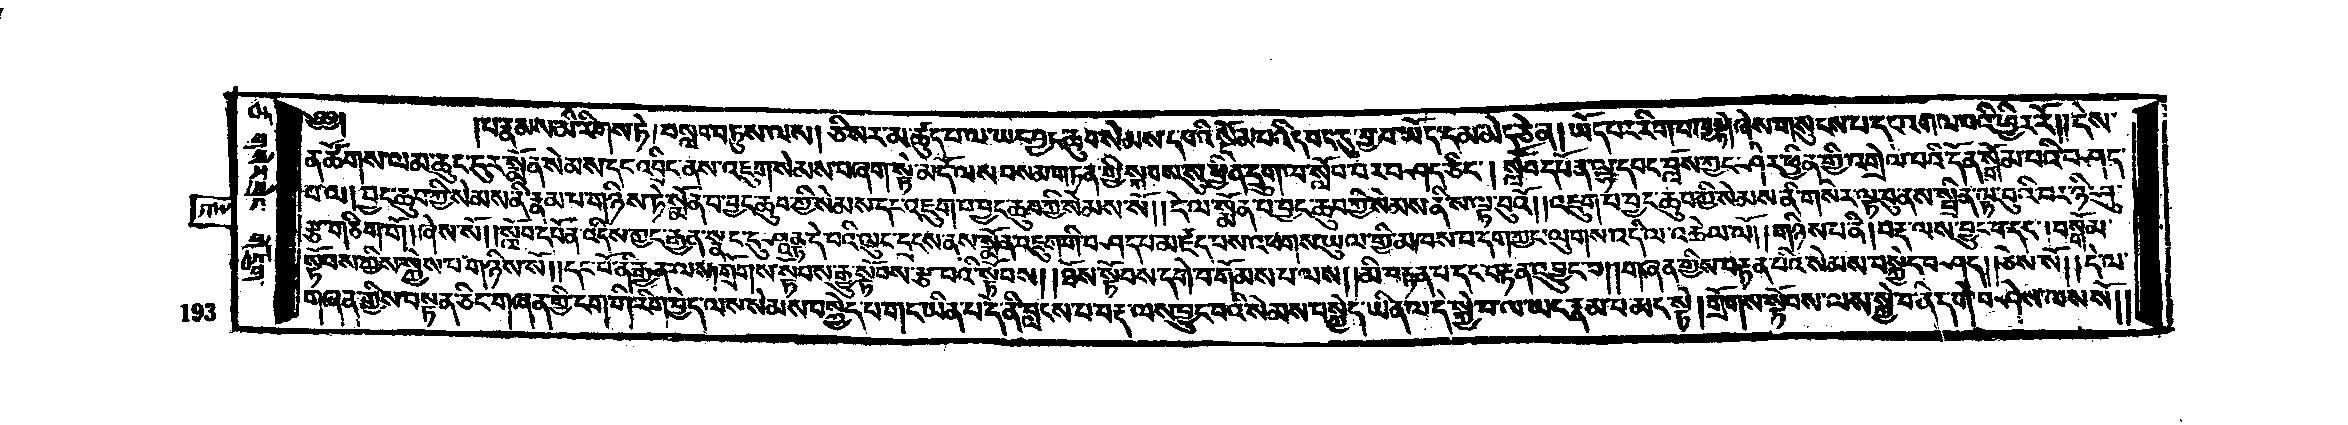༄༅། །པ་རྣམས་མི་རིགས་ཏེ། བསླབ་བཏུས་ལས། ཅི་སར་མ་ཚུད་པ་ལ་ཡང་བྱང་ཆུབ་སེམས་དཔའི་སྡོམ་པའི་དབང་དུ་བྱ་བ་ཡོད་དམ་མེད་ཅེ་ན། ཡོད་པར་རིག་པར་བྱ་སྟེ། ཞེས་གསུངས་པ་དང་འགལ་བའི་ཕྱིར་རོ། །དེས་
ན་ཚོགས་ལམ་ཆུང་ངུར་སྨོན་སེམས་དང་འབྲིང་ནས་འཇུག་སེམས་བཞག་སྟེ་མདོ་ལས་བསམ་གཏན་གྱི་སྐབས་སུ་ཕྱིན་དྲུག་ལ་སློབ་པར་བཤད་ཅིང་། སློབ་དཔོན་ལྷ་དབང་བློས་ཀྱང་ཤེར་ཕྱིན་གྱི་འགྲེལ་པའི་དོན་སྒོམ་པའི་བཤད་
པ་ལ། བྱང་ཆུབ་ཀྱི་སེམས་ནི་རྣམ་པ་གཉིས་ཏེ་སྨོན་པ་བྱང་ཆུབ་ཀྱི་སེམས་དང་འཇུག་པ་བྱང་ཆུབ་ཀྱི་སེམས་སོ། །དེ་ལ་སྨོན་པ་བྱང་ཆུབ་ཀྱི་སེམས་ནི་ས་ལྟ་བུའོ། །འཇུག་པ་བྱང་ཆུབ་ཀྱི་སེམས་ནི་གསེར་ལྟ་བུ་ནས་སྤྲིན་ལྟ་བུའི་བར་ཉི་ཤུ་
རྩ་གཅིག་གོ །ཞེས་སོ། །སློབ་དཔོན་འདིས་ཀྱང་རྒྱན་སྣང་དུ་ཤཱནྟ་དེ་བའི་ལུང་དྲངས་ནས་སྨོན་འཇུག་གི་བཤད་པ་མཛད་པས་འཕགས་ཡུལ་གྱི་མཁས་པ་དག་ཀྱང་ལུགས་འདི་ལ་འཆེལ་ལོ། །གཉིས་པ་ནི། བརྡ་ལས་བྱུང་བ་དང་། བསྒོམ་
སྟོབས་ཀྱིས་སྐྱེས་པ་གཉིས་སོ། །དང་པོ་ནི་རྒྱན་ལས། གྲོགས་སྟོབས་རྒྱུ་སྟོབས་རྩ་བའི་སྟོབས། །ཐོས་སྟོབས་དགེ་བ་གོམས་པ་ལས། །མི་བརྟན་པ་དང་བརྟན་འབྱུང་བ། །གཞན་གྱིས་བརྟན་པའི་སེམས་བསྐྱེད་བཤད། །ཅེས་སོ། །དེ་ལ་
གཞན་གྱིས་བསྟན་ཅིང་གཞན་གྱི་ངག་གི་རིག་བྱེད་ལས་སེམས་བསྐྱེད་པ་གང་ཡིན་པ་དེ་ནི་བླངས་པ་བརྡ་ལས་བྱུང་བའི་སེམས་བསྐྱེད་ཡིན་ལ་དེ་སྐྱེ་བ་ལ་ཡང་རྣམ་པ་མང་སྟེ། གྲོགས་སྟོབས་ལས་སྐྱེ་བ་ནི་དགེ་བཤེས་ལས་སོ། །